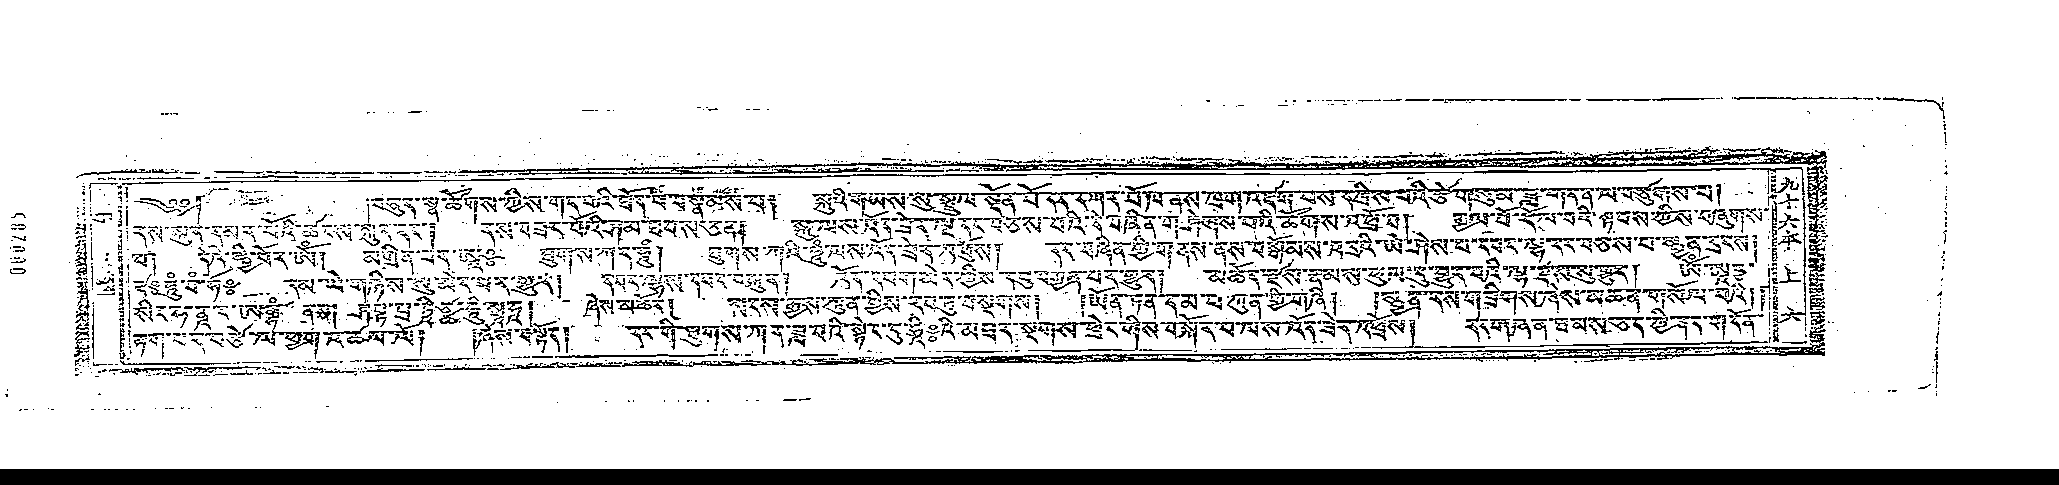༄༅། །བཅུད་སྣེ་ཚོགས་ཀྱིས་གང་བའི་བྲོང་པ་བསྣམས་བ། སྐུའི་གཡས་སུ་སྦྲུལ་སྔོན་བོ་དར་དཀར་པོ་ཁ་ནས་ཁྲག་འཛག་བས་དཀྲིས་བའི་རྩེ་གསུམ་ཟླ་གདན་ལ་བཙུགས་པ།
རས་སྐུད་དམར་པོའི་ཚངས་སྐུད་དང་། རས་བཟང་པོའི་ཤམ་ཐབས་ཅན། སྐུ་ལས་འོད་ཟེར་ལྔ་དང་བཅས་པའི་དེ་བཞིན་གཤེགས་པའི་ཚོགས་འཕྲོ་བ། རྒྱལ་པོ་རོལ་བའི་སྟབས་ཀྱིས་བཞུགས་
པ། དེའི་སྤྱི་བོར་ཨོཾ། མགྲིན་པར་ཨཱཿ་ཐུགས་ཀར་ཧཱུཾ། ཐུགས་ཀའི་ཧཱུཾ་ལས་འོད་ཟེར་འཕྲོས། རང་བཞིན་གྱི་གནས་ནས་བསྒོམས་འདྲའི་ཡེ་ཤེས་པ་དཔང་ལྷ་དང་བཅས་པ་སྤྱན་དྲངས།
ཛཿ་ཧཱུཾ་བཾ་ཧོཿ་དམ་ཡི་གཉིས་སུ་མེད་པར་གྱུར། དབང་ལྷས་དཔང་བསྐུར། འོད་དབག་མེད་ཀྱིས་དབུ་བརྒྱན་པར་གྱུར། མཆོད་རྫས་རྣམས་ཕུལ་དུ་བྱུང་བའི་ལྷ་རྫས་སུ་གྱུར། ཨོཾ་ཨཱརྱ་
སིང་ཧ་ནཱ་ད་ཨརྒྷཾ?་ནས། ཤཔྟ་པྲ་ཏཱིཙྪ་ཧཱུཨི་སྭཱཧཱ། ཞེས་མཆོད། སངས་རྒྱས་ཀུན་གྱིས་རབ་ཏུ་བསྔགས། །ཡོན་ཏན་དམ་པ་ཀུན་གྱི་གཞི། །སྤྱན་རས་གཟིགས་ཞེས་མཚན་གསོལ་བའི། །
རྟེག་བར་བརྩེ་ལ་ཕྱག་འཚལ་ལོ། ཞེས་བསྟོད། རང་གི་ཐུགས་ཀར་ཟླ་པའི་སྟེང་དུ་ཧྲཱིཿ་འི་མཐར་སྔགས་ཕྲེད་གིས་བསྐོར་པ་ལས་འོད་ཟེར་འཕྲོས། རང་གཞན་ཐམས་ཅད་ཀྱི་ནད་གདོན་